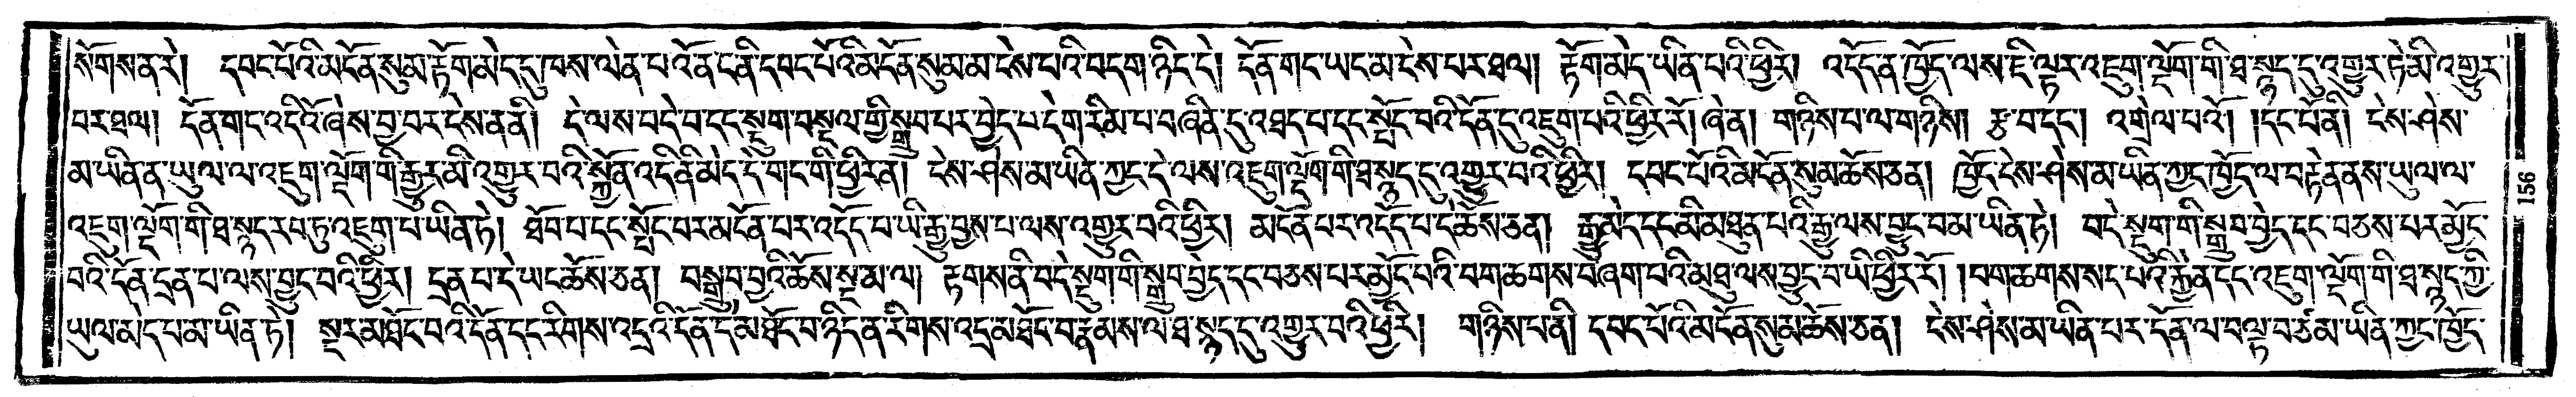སོགས་ན་རེ། དབང་པོའི་མངོན་སུམ་རྟོག་མེད་དུ་ཁས་ལེན་པའོ་ནང་ནི་དབང་པོའི་མངོན་སུམ་མ་ངེས་པའི་བདག་ཉིད་དེ། དོན་གང་ཡང་མ་ངེས་པར་ཐལ། རྟོག་མེད་ཡིན་པའི་ཕྱིར། འདོད་ན་ཁྱོད་ལས་ཇི་ལྟར་འཇུག་ལྡོག་གི་ཐ་སྙད་དུ་འགྱུར་ཏེ་མི་འགྱུར་
བར་ཐལ། དོན་གང་འདིའོ་ཞེས་བྱ་བར་ངེས་ན་ནི། དེ་ལས་བདེ་བ་དང་སྡུག་བསྔལ་གྱི་སྒྲུབ་པར་བྱེད་པ་དེག་རིམ་པ་བཞིན་དུ་འཐད་པ་དང་སྤོང་བའི་དོན་དུ་འཇུག་པའི་ཕྱིར་རོ། ཞེ་ན། གཉིས་པ་ལ་གཉིས། རྩ་བ་དང་། འགྲེལ་བའོ། །དང་པོ་ནི། ངེས་ཤེས་
མ་ཡིན་ན་ཡུལ་ལ་འཇུག་ལྡོག་གི་རྒྱུར་མི་འགྱུར་བའི་སྐྱོན་འདི་ནི་མེད་དེ་གང་གི་ཕྱིར་ན། ངེས་ཤེས་མ་ཡིན་ཀྱང་དེ་ལས་འཇུག་ལྡོག་གི་ཐ་སྙད་དུ་འགྱུར་བའི་ཕྱིར། དབང་པོའི་མངོན་སུམ་ཆོས་ཅན། ཁྱོད་ངེས་ཤེས་མ་ཡིན་ཀྱང་ཁྱོད་ལ་བརྟེན་ནས་ཡུལ་ལ་
འཇུག་ལྡོག་གི་ཐ་སྙད་རབ་ཏུ་འཇུག་པ་ཡིན་ཏེ། ཐོབ་པ་དང་སྤོང་བར་མངོན་པར་འདོད་པ་ཡི་རྒྱུ་བྱས་པ་ལས་འགྱུར་བའི་ཕྱིར། མངོན་པར་འདོད་པ་དེ་ཆོས་ཅན། རྒྱུ་མེད་དང་མི་མཐུན་པའི་རྒྱུ་ལས་བྱུང་བ་མ་ཡིན་ཏེ། བདེ་སྡུག་གི་སྒྲུབ་བྱེད་དང་བཅས་པར་མྱོང་
བའི་དོན་དྲན་པ་ལས་བྱུང་བའི་ཕྱིར། དྲན་པ་དེ་ཡང་ཆོས་ཅན། བསྒྲུབ་བྱའི་ཆོས་སྔ་མ་ལ། རྟགས་ནི་བདེ་སྡུག་གི་སྒྲུབ་བྱེད་དང་བཅས་པར་མྱོང་བའི་བག་ཆགས་བཞག་པའི་མཐུ་ལས་བྱུང་བ་ཡི་ཕྱིར་རོ། །བག་ཆགས་སད་པའི་རྐྱེན་དང་འཇུག་ལྡོག་གི་ཐ་སྙད་ཀྱི་
ཡུལ་མེད་པ་མ་ཡིན་ཏེ། སྔར་མཐོང་བའི་དོན་དང་རིགས་འདྲའི་དོན་དེ་མཐོང་བ་ཉིད་ན་རིགས་འདྲ་མཐོང་བ་རྣམས་ལ་ཐ་སྙད་དུ་འགྱུར་བའི་ཕྱིར། གཉིས་པ་ནི། དབང་པོའི་མངོན་སུམ་ཆོས་ཅན། ངེས་ཤེས་མ་ཡིན་པར་དོན་ལ་བལྟ་བ་ཙམ་ཡིན་ཀྱང་ཁྱོད་